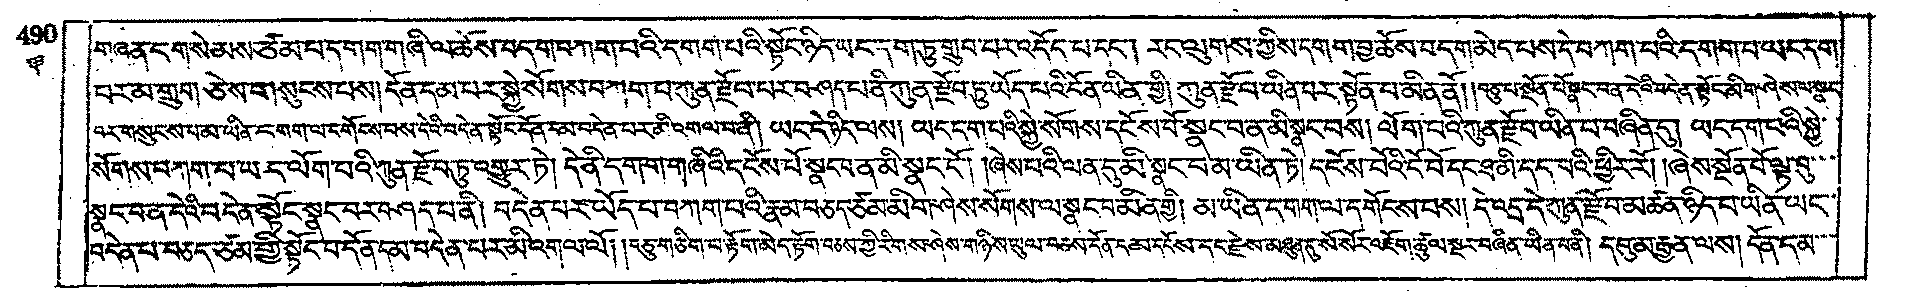གཞན་དག་སེམས་ཙམ་པ་དགག་གཞི་ལ་ཆོས་བདག་བཀག་པའི་དགག་པའི་སྟོང་ཉིད་ཡང་དག་ཏུ་གྲུབ་པར་འདོད་པ་དང་། རང་ལུགས་ཀྱིས་དགག་བྱ་ཆོས་བདག་མེད་པས་དེ་བཀག་པའི་དགག་པ་ཡང་དག་
པར་མ་གྲུབ། ཅེས་གསུངས་པས། དོན་དམ་པར་སྐྱེ་སོགས་བཀག་པ་ཀུན་རྫོབ་པར་བཤད་པ་ནི་ཀུན་རྫོབ་ཏུ་ཡོད་པའི་དོན་ཡིན་གྱི། ཀུན་རྫོབ་ཡིན་པར་སྟོན་པ་མིན་ནོ། །བཅུ་པ་སྔོན་པོ་སྣང་བ་ན་དེའི་བདེན་སྟོང་མིག་ཤེས་ལ་སྣང་
བར་གསུངས་པ་མ་ཡིན་དགག་ལ་དགོངས་པས་དེའི་བདེན་སྟོང་དོན་དམ་བདེན་པར་མི་འགལ་བ་ནི། ཡང་དེ་ཉིད་ལས། ཡང་དག་པའི་སྐྱེ་སོགས་དངོས་པོ་སྣང་བ་ན་མི་སྣང་བས། ལོག་པའི་ཀུན་རྫོབ་ཡིན་པ་བཞིན་དུ། ཡང་དག་པའི་སྐྱེ་
སོགས་བཀག་པ་ཡང་ལོག་པའི་ཀུན་རྫོབ་ཏུ་འགྱུར་ཏེ། དེ་ནི་དགག་གཞིའི་དངོས་པོ་སྣང་བ་ན་མི་སྣང་ངོ། །ཞེས་པའི་ལན་དུ་མི་སྣང་བ་མ་ཡིན་ཏེ། དངོས་པོའི་ངོ་བོ་དང་ཐ་མི་དད་པའི་ཕྱིར་རོ། །ཞེས་སྔོན་པོ་ལྟ་བུ་
སྣང་བ་ན་དེའི་བདེན་སྟོང་སྣང་བར་བཤད་པ་ནི། བདེན་པར་ཡོད་པ་བཀག་པའི་རྣམ་བཅད་ཙམ་མིག་ཤེས་སོགས་ལ་སྣང་བ་མིན་གྱི། མ་ཡིན་དགག་ལ་དགོངས་པས། དེ་འདྲ་དེ་ཀུན་རྫོབ་མཚན་ཉིད་པ་ཡིན་ཡང་
བདེན་པ་བཅད་ཙམ་གྱི་སྟོང་པ་དོན་དམ་བདེན་པར་མི་འགལ་ལོ། ། བཅུ་གཅིག་པ་རྟོག་མེད་རྟོག་བཅས་ཀྱི་རིགས་ཤེས་གཉིས་ཡུལ་བཅས་དོན་དམ་དངོས་དང་རྗེས་མཐུན་དུ་སོ་སོར་འཇོག་ཚུལ་སྔར་བཞིན་ཡིན་པ་ནི། དབུ་མ་རྒྱན་ལས། དོན་དམ་